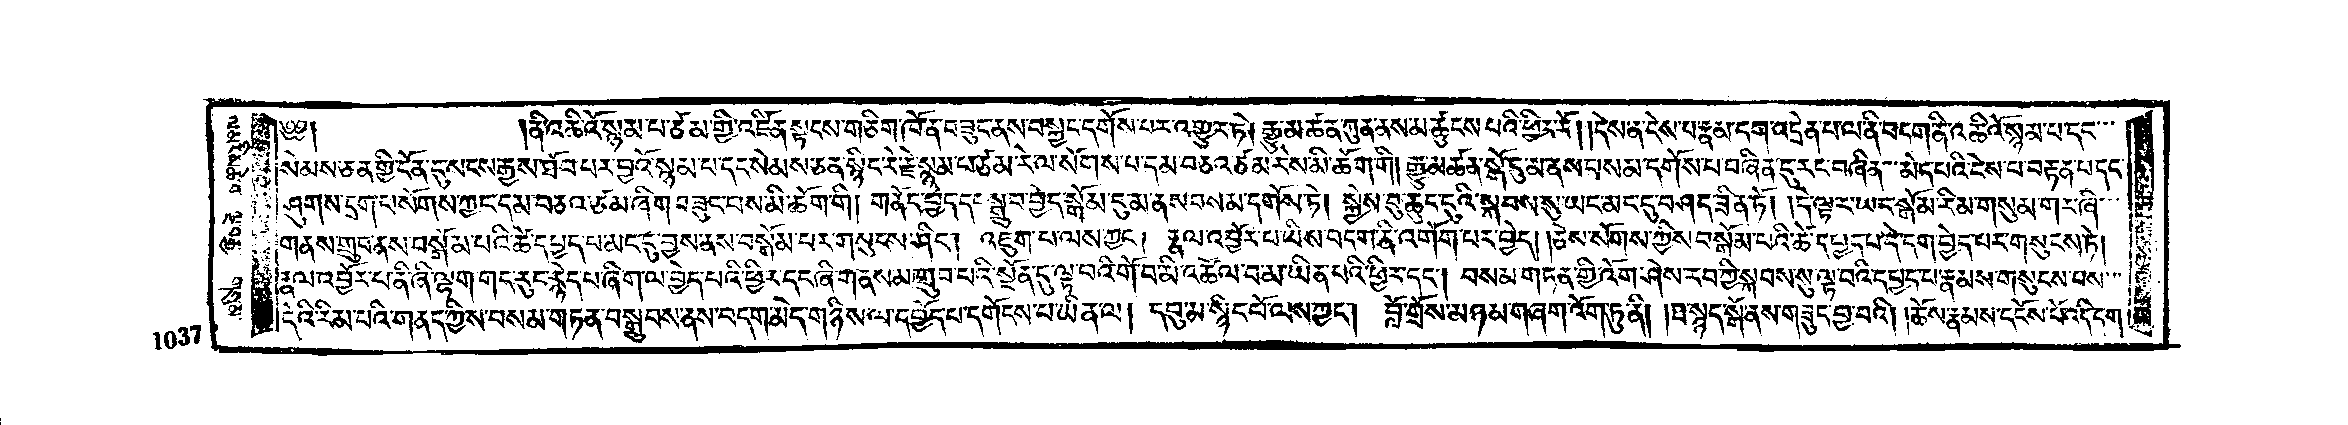༄༅། །ནི་འཆིའོ་སྙམ་པ་ཙམ་གྱི་འཛིན་སྟངས་གཅིག་ཁོ་ན་བཟུང་ནས་བསྐྱང་དགོས་པར་འགྱུར་ཏེ། རྒྱུ་མཚན་ཀུན་ནས་མཚུངས་པའི་ཕྱིར་རོ། །དེས་ན་ངེས་པ་རྣམ་དག་འདྲེན་པ་ལ་ནི་བདག་ནི་འཆིའོ་སྙམ་པ་དང་
སེམས་ཅན་གྱི་དོན་དུ་སངས་རྒྱས་ཐོབ་པར་བྱའོ་སྙམ་པ་དང་སེམས་ཅན་སྙིང་རེ་རྗེ་སྙམ་པ་ཙམ་རེ་ལ་སོགས་པ་དམ་བཅའ་ཙམ་རེས་མི་ཆོག་གི། རྒྱུ་མཚན་སྒོ་དུ་མ་ནས་བསམ་དགོས་པ་བཞིན་དུ་རང་བཞིན་མེད་པའི་ངེས་པ་བརྟན་པ་དང་
ཤུགས་དྲག་པ་སོགས་ཀྱང་དམ་བཅའ་ཙམ་ཞིག་བཟུང་བས་མི་ཆོག་གི། གནོད་བྱེད་དང་སྒྲུབ་བྱེད་སྒོ་མ་དུ་མ་ནས་བསམ་དགོས་ཏེ། སྐྱེས་བུ་ཆུང་ངུའི་སྐབས་སུ་ཡང་མང་དུ་བཤད་ཟིན་ཏོ། །དེ་ལྟར་ཡང་སྒོམ་རིམ་གསུམ་གར་ཞི་
གནས་གྲུབ་ནས་བསྒོམ་པའི་ཚེ་དཔྱད་པ་མང་དུ་བྱས་ནས་བསྒོམ་པར་གསུངས་ཤིང་། འཇུག་པ་ལས་ཀྱང་། རྣལ་འབྱོར་པ་ཡིས་བདག་ནི་འགོག་པར་བྱེད། །ཅེས་སོགས་ཀྱིས་བསྒོམ་པའི་ཚེ་དཔྱད་པ་དེ་དག་བྱེད་པར་གསུངས་ཏེ།
རྣལ་འབྱོར་པ་ནི་ཞི་ལྷག་གང་རུང་རྙེད་པ་ཞིག་ལ་བྱེད་པའི་ཕྱིར་དང་ཞི་གནས་མ་གྲུབ་པའི་སྔོན་དུ་ལྟ་བའི་གོ་བ་མི་འཚོལ་བ་མ་ཡིན་པའི་ཕྱིར་དང་། བསམ་གཏན་གྱི་འོག་ཤེས་རབ་ཀྱི་སྐབས་སུ་ལྟ་བའི་དཔྱད་པ་རྣམས་གསུངས་པས་
དེའི་རིམ་པའི་གནད་ཀྱིས་བསམ་གཏན་བསྒྲུབས་ནས་བདག་མེད་གཉིས་ལ་དཔྱོད་པ་དགོངས་པ་ཡིན་ལ། དབུ་མ་སྙིང་པོ་ལས་ཀྱང་། བློ་གྲོས་མཉམ་གཞག་འོག་ཏུ་ནི། །ཐ་སྙད་སྒོ་ནས་གཟུང་བྱ་བའི། །ཆོས་རྣམས་དངོས་པོ་འདི་དག་